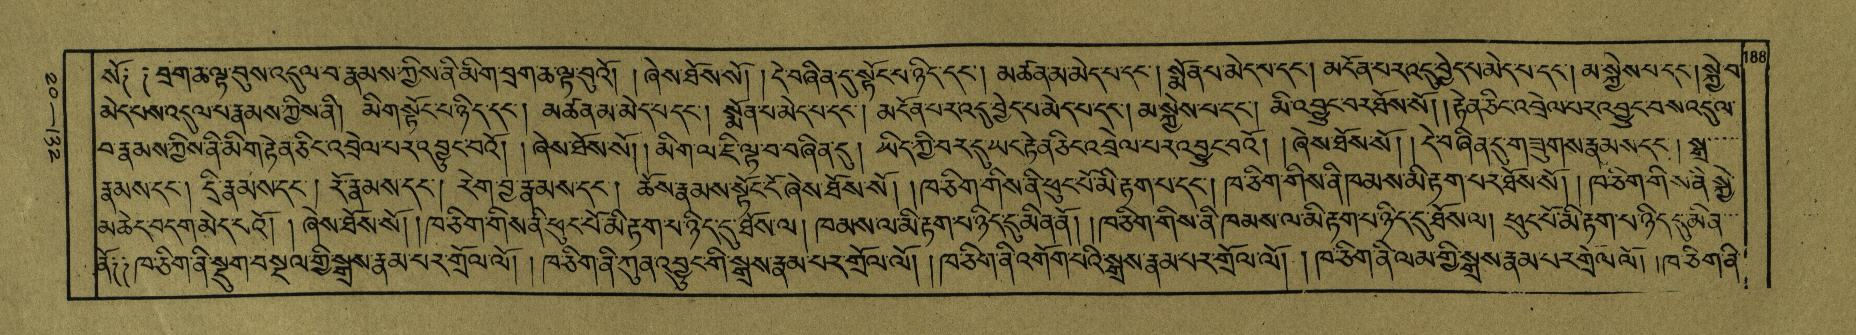སོ༑ ༑བྲག་ཆ་ལྟ་བུས་འདུལ་བ་རྣམས་ཀྱིས་ནི་མིག་བྲག་ཆ་ལྟ་བུའོ། །ཞེས་ཐོས་སོ། །དེ་བཞིན་དུ་སྟོང་པ་ཉིད་དང་། མཚན་མ་མེད་པ་དང་། སྨོན་པ་མེད་པ་དང་། མངོན་པར་འདུ་བྱེད་པ་མེད་པ་དང་། མ་སྐྱེས་པ་དང་། སྐྱེ་བ་
མེད་པས་འདུལ་པ་རྣམས་ཀྱིས་ནི། མིག་སྟོང་པ་ཉིད་དང་། མཚན་མ་མེད་པ་དང་། སྨོན་པ་མེད་པ་དང་། མངོན་པར་འདུ་བྱེད་པ་མེད་པ་དང་། མ་སྐྱེས་པ་དང་། མི་འབྱུང་བར་ཐོས་སོ། །རྟེན་ཅིང་འབྲེལ་པར་འབྱུང་བས་འདུལ་
བ་རྣམས་ཀྱིས་ནི་མིག་རྟེན་ཅིང་འབྲེལ་པར་འབྱུང་བའོ། །ཞེས་ཐོས་སོ། །མིག་ལ་ཇི་ལྟ་བ་བཞིན་དུ། ཡིད་ཀྱི་བར་དུ་ཡང་རྟེན་ཅིང་འབྲེལ་པར་འབྱུང་བའོ། །ཞེས་ཐོས་སོ། །དེ་བཞིན་དུ་གཟུགས་རྣམས་དང་། སྒྲ་
རྣམས་དང་། དྲི་རྣམས་དང་། རོ་རྣམས་དང་། རེག་བྱ་རྣམས་དང་། ཆོས་རྣམས་སྟོང་ངོ་ཞེས་ཐོས་སོ། །ཁ་ཅིག་གིས་ནི་ཕུང་པོ་མི་རྟག་པ་དང་། ཁ་ཅིག་གིས་ནི་ཁམས་མི་རྟག་པར་ཐོས་སོ། །ཁ་ཅིག་གིས་ནི་སྐྱེ་
མཆེད་བདག་མེད་པའོ། །ཞེས་ཐོས་སོ། །ཁ་ཅིག་གིས་ནི་ཕུང་པོ་མི་རྟག་པ་ཉིད་དུ་ཐོས་ལ། ཁམས་ལ་མི་རྟག་པ་ཉིད་དུ་མིན་ནོ། །ཁ་ཅིག་གིས་ནི་ཁམས་ལ་མི་རྟག་པ་ཉིད་དུ་ཐོས་ལ། ཕུང་པོ་མི་རྟག་པ་ཉིད་དུ་མིན་
ནོ༑ ༑ཁ་ཅིག་ནི་སྡུག་བསྔལ་གྱི་སྒྲས་རྣམ་པར་གྲོལ་ལོ། །ཁ་ཅིག་ནི་ཀུན་འབྱུང་གི་སྒྲས་རྣམ་པར་གྲོལ་ལོ། །ཁ་ཅིག་ནི་འགོག་པའི་སྒྲས་རྣམ་པར་གྲོལ་ལོ། །ཁ་ཅིག་ནི་ལམ་གྱི་སྒྲས་རྣམ་པར་གྲོལ་ལོ། །ཁ་ཅིག་ནི་